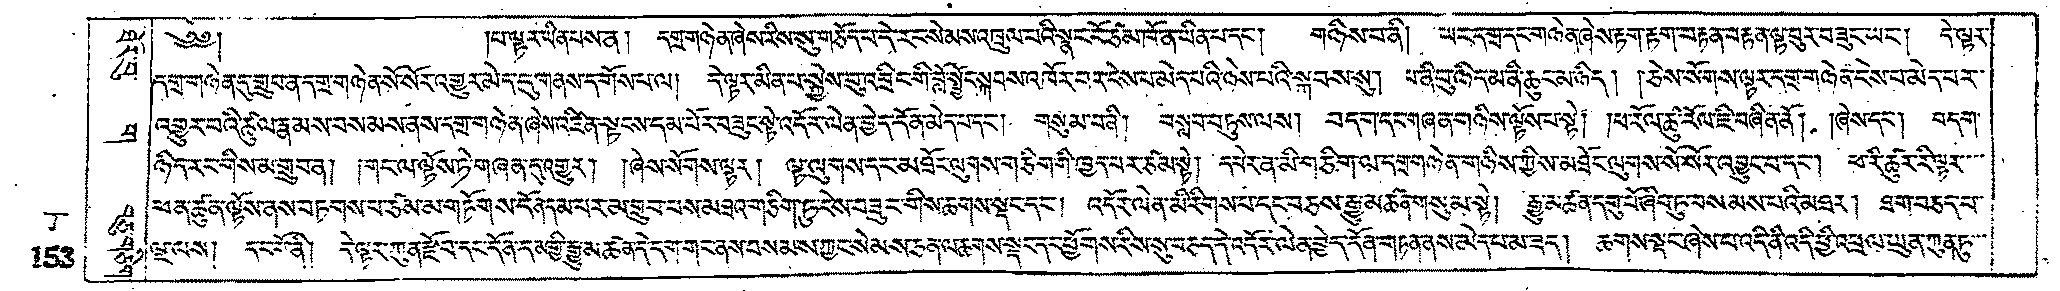༄༅། །པ་ལྟར་ཡིན་པས་ན། དགྲ་གཉེན་ཞེས་རིས་སུ་གཅོད་པ་དེ་རང་སེམས་འཁྲུལ་པའི་སྣང་ངོ་ཙམ་ཁོ་ན་ཡིན་པ་དང་། གཉིས་པ་ནི། ཡང་དགྲ་དང་གཉེན་ཞེས་རྟག་རྟག་བརྟན་བརྟན་ལྟ་བུར་བཟུང་ཡང་། དེ་ལྟར་
དགྲ་གཉེན་དུ་གྲུབ་ན་དགྲ་གཉེན་སོ་སོར་འགྱུར་མེད་དུ་གནས་དགོས་པ་ལ། དེ་ལྟར་མིན་པ་སྐྱེས་བུ་འབྲིང་གི་བློ་སྦྱོང་སྐབས་འཁོར་བར་ངེས་པ་མེད་པའི་ཉེས་པའི་སྐབས་སུ། ཕ་ནི་བུ་ཉིད་མ་ནི་ཆུང་མ་ཉིད། །ཅེས་སོགས་ལྟར་དགྲ་གཉེན་ངེས་པ་མེད་པར་་་
འགྱུར་བའི་ཚུལ་རྣམས་བསམས་ནས་དགྲ་གཉེན་ཞེས་འཛིན་སྟངས་དམ་པོར་བཟུང་སྟེ་འདོར་ལེན་བྱེད་དོན་མེད་པ་དང་། གསུམ་པ་ནི། བསླབ་བཏུས་ལས། བདག་དང་གཞན་གཉིས་ལྟོས་པ་སྟེ། །ཕ་རོལ་ཚུ་རོལ་ཇི་བཞིན་ནོ། །ཞེས་དང་། བདག་
ཉིད་རང་གིས་མ་གྲུབ་ན། །གང་ལ་ལྟོས་ཏེ་གཞན་དུ་འགྱུར། །ཞེས་སོགས་ལྟར། ལྟ་ལུགས་དང་མཐོང་ལུགས་གཅིག་གི་ཁྱད་པར་ཙམ་སྟེ། དཔེར་ན་མི་གཅིག་ལ་དགྲ་གཉེན་གཉིས་ཀྱིས་མཐོང་ལུགས་སོ་སོར་འབྱུང་བ་དང་། ཕ་རི་ཚུར་རི་ལྟར་་་
ཕན་ཚུན་ལྟོས་ནས་བཏགས་པ་ཙམ་མ་གཏོགས་དོན་དམ་པར་མ་གྲུབ་པས་མཐའ་གཅིག་ཏུ་ངེས་བཟུང་གིས་ཆགས་སྡང་དང་། འདོར་ལེན་མི་རིགས་པ་དང་བཅས་རྒྱུ་མཚན་གསུམ་སྟེ། རྒྱུ་མཚན་དགུ་པོ་ཞིབ་ཏུ་བསམས་པའི་མཐར། ཐག་བཅད་པ་་་
ལྔ་ལས། དང་པོ་ནི། དེ་ལྟར་ཀུན་རྫོབ་དང་དོན་དམ་གྱི་རྒྱུ་མཚན་དེ་དག་གང་ནས་བསམས་ཀྱང་སེམས་ཅན་ལ་ཆགས་སྡང་དང་ཕྱོགས་རིས་སུ་བཅད་དེ་འདོར་ལེན་བྱེད་དོན་གཏན་ནས་མེད་པ་མ་ཟད། ཆགས་སྡང་ཞེས་པ་འདི་ནི་འདི་ཕྱི་འཕྲལ་ཡུན་ཀུན་ཏུ་་་